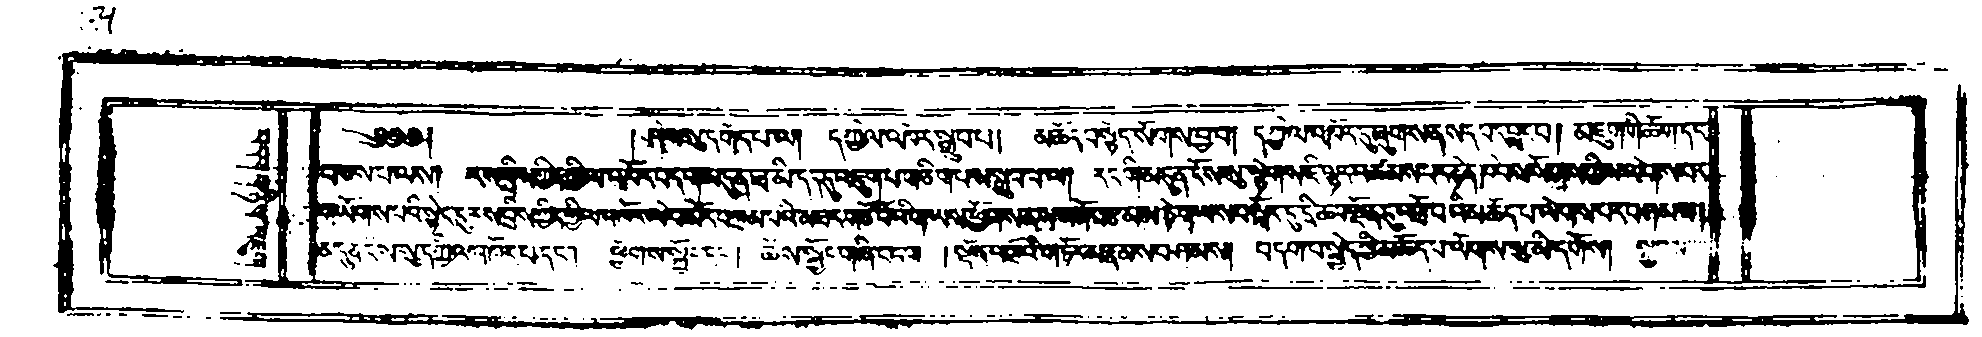༄༅༅། །ཤེས་སུ་དགོད་པ་ལ། དཀྱིལ་འཁོར་སྒྲུབ་པ། མཆོད་བསྟོད་སོགས་བྱ་བ། དཀྱིལ་འཁོར་དུ་ཞུགས་ནས་དབང་བླང་བ། མཇུག་གི་ཆོག་དང་
བཅས་པ་ལས། རས་བྲིས་ཀྱི་དཀྱིལ་འཁོར་བདག་མདུན་ཐ་མི་དད་དུ་འཇུག་པ་གཅིག་པས་སྒྲུབ་པ་ལ། རང་གི་མདུན་ངོས་སུ་སྟེགས་ཇི་ལྟར་འཚམས་པར་རྟེན་ཁེབས་སོགས་ཀྱིས་ལེགས་པར་
གཡོགས་པའི་སྟེང་དུ་རས་བྲིས་ཀྱི་དཀྱིལ་འཁོར་ལེབ་མོར་བཀྲམ་པའི་མཐར་གཙོ་བོའི་གཡས་ཕྱོགས་ནས་འགོ་བརྩམས་ཏེ་གཡས་བསྐོར་དུ་དྲི་ཆབ་སྔོན་དུ་འགྲོ་བའི་མཆོད་པ་ལེགས་པར་བཤམས།
མདུན་ངོས་སུ་དཀྱིལ་འཁོར་པ་དང་། ཕྱོགས་སྐྱོང་དང་། ཆོས་སྐྱོང་གཞི་བདག །སྔོན་འགྲོའི་གཏོར་མ་རྣམས་བཤམས། བདག་བསྐྱེད་ཀྱི་མཆོད་པ་ལོགས་སུ་མི་དགོས། སྐྱབས་